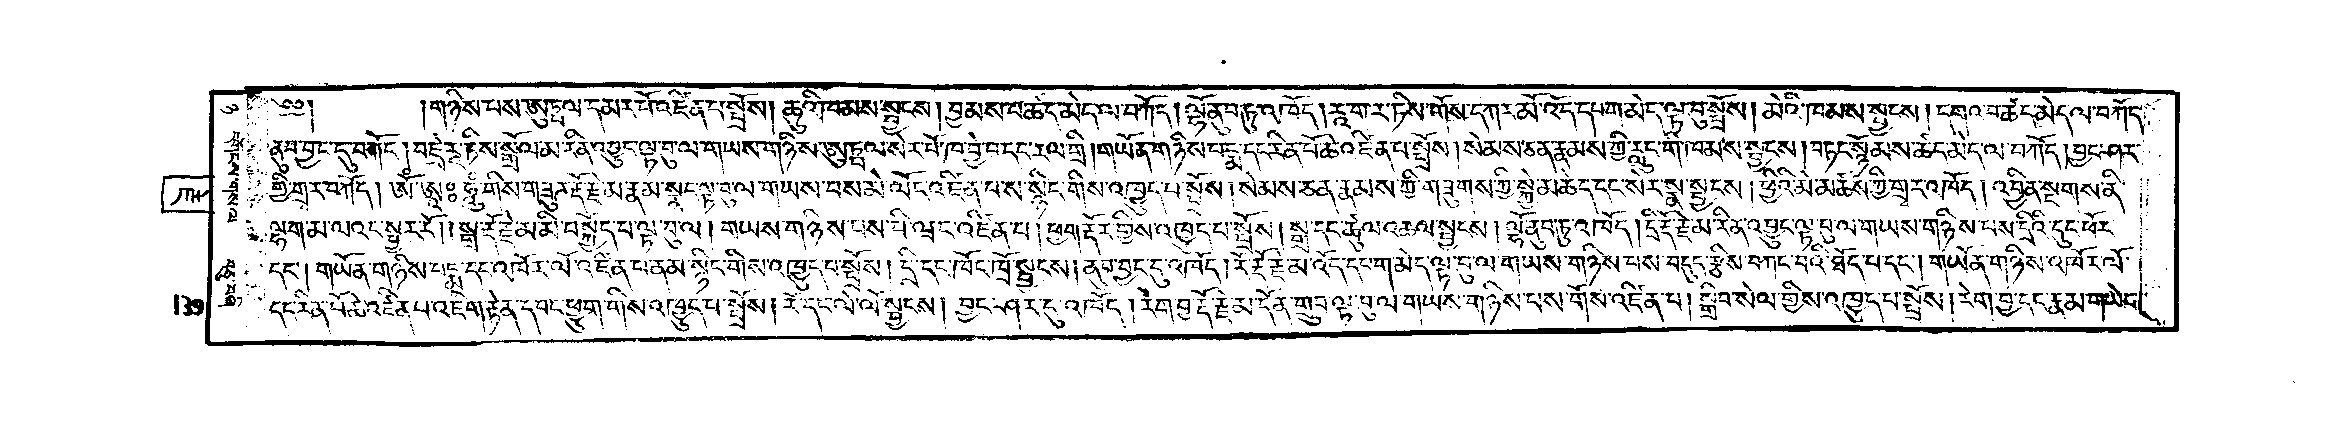༄༅། །གཉིས་པས་ཨུཏྤལ་དམར་པོ་འཛིན་པ་སྤྲོས། ཆུའི་ཁམས་སྦྱངས། བྱམས་པ་ཚད་མེད་ལ་བཀོད། ལྷོ་ནུབ་ཏུ་འཁོད། རཱ་ག་ར་ཏིས་གོས་དཀར་མོ་འོད་དཔག་མེད་ལྟ་བུ་སྤྲོས། མེའི་ཁམས་སྦྱངས། དགའ་བ་ཚད་མེད་ལ་བཀོད་
ནུབ་བྱང་དུ་བཀོད། བཛྲེ་རཱ་ཏིས་སྒྲོན་མ་རིན་འབྱུང་ལྟ་བུ་ལ་གཡས་གཉིས་ཨུཏྤལ་སེར་པོ་ཁ་བྱེ་བ་དང་རལ་གྲི། གཡོན་གཉིས་པདམ་དང་རིན་པོ་ཆེ་འཛིན་པ་སྤྲོས། སེམས་ཅན་རྣམས་ཀྱི་རླུང་གི་ཁམས་སྦྱངས། བཏང་སྙོམས་ཚད་མེད་ལ་བཀོད། བྱང་ཤར་
གྱི་གྲྭར་བཀོད། ཨོཾ་ཨཱཿ ཧཱུཾ་གིས་གཟུགས་རྡོ་རྗེ་མ་རྣམ་སྣང་ལྟ་བུ་ལ་གཡས་པས་མེ་ལོང་འཛིན་པ་ས་སྙིང་གིས་འཁྱུད་པ་སྤྲོས། སེམས་ཅན་རྣམས་ཀྱི་གཟུགས་ཀྱི་སྐྱེ་མཆེད་དང་སེར་སྣ་སྦྱངས། ཕྱིའི་མེ་མཚམས་ཀྱི་གྲྭར་འཁོད། འབྱིན་སྔགས་ནི་
ལྷག་མ་ལའང་སྦྱར་རོ། །སྒྲ་རྡོ་རྗེ་མ་མི་བསྐྱོད་པ་ལྟ་བུ་ལ། གཡས་གཉིས་པས་པི་ཝང་འཛིན་པ། ཕྱག་རྡོར་གྱིས་འཁྱུད་པ་སྤྲོས། སྒྲ་དང་ཚུལ་འཆལ་སྦྱངས། ལྷོ་ནུབ་ཏུ་འཁོད། དྲི་རྡོ་རྗེ་མ་རིན་འབྱུང་ལྟ་བུ་ལ་གཡས་གཉིས་པས་དྲིའི་དུང་ཕོར་
དང་། གཡོན་གཉིས་པདམ་དང་འཁོར་ལོ་འཛིན་པ་ནམ་སྙིང་གིས་འཁྱུད་པ་སྤྲོས། དྲི་དང་ཁོང་ཁྲོ་སྦྱངས། ནུབ་བྱང་དུ་འཁོད། རོ་རྡོ་རྗེ་མ་འོད་དཔག་མེད་ལྟ་བུ་ལ་གཡས་གཉིས་པས་བདུད་རྩིས་བཀང་བའི་ཐོད་པ་དང་། གཡོན་གཉིས་འཁོར་ལོ་
དང་རིན་པོ་ཆེ་འཛིན་པ་འཇིག་རྟེན་དབང་ཕྱུག་གིས་འཁྱུད་པ་སྤྲོས། རོ་དང་ལེ་ལོ་སྦྱངས། བྱང་ཤར་དུ་འཁོད། རེག་བྱ་རྡོ་རྗེ་མ་དོན་གྲུབ་ལྟ་བུ་ལ་གཡས་གཉིས་པས་གོས་འཛིན་པ། སྒྲིབ་སེལ་གྱིས་འཁྱུད་པ་སྤྲོས། རེག་བྱ་དང་རྣམ་གཡེང་